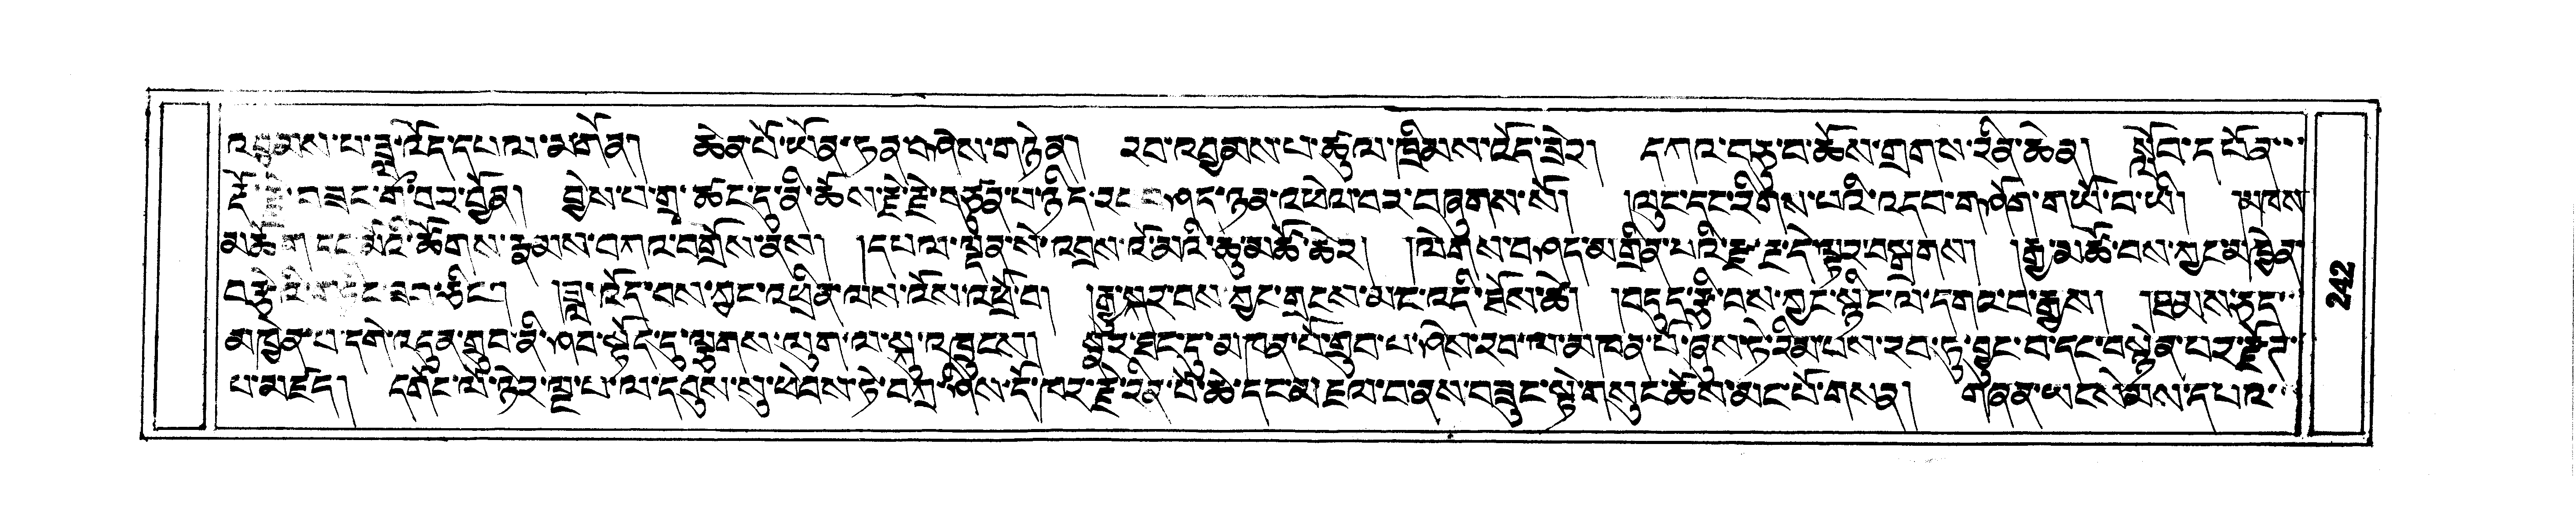འབྱམས་པ་ཟླ་འོད་དཔལ་མ་གོན། ཆེན་པོ་ཡོན་ཏན་བཤེས་གཉེན། རབ་འབྱམས་པ་ཚུལ་ཁྲིམས་འོད་ཟེར། དཀའ་བཅུ་བ་ཆོས་གྲགས་རིན་ཆེན། སློབ་དཔོན་
རྡོ་རྗེ་བཟང་གྀ་བར་བྱོན། བྱེས་པ་གྲྭ་ཚང་དུ་ནི་ཆོས་རྗེ་རྗེ་བཙུན་པ་ཉིད་རང་བཤད་ཉན་འཕེལ་བར་བཞུགས་སོ། །ལུང་དང་རིགས་པའི་འདབ་གཤོག་གཡོ་བ་ཡི། །མཁས་
མཆོག་དང་མོའི་ཚོགས་རྣམས་བཀའ་བགྲོས་ནས། །དཔལ་ལྡན་སེ་འབྲས་འོ་མའི་ཆུ་མཚོ་ཆེར། ལེགས་བཤད་མགྲིན་པའི་རྫ་རྔ་དེ་ལྟར་བསྒྲགས། །རྒྱ་མཚོ་བས་ཀྱང་མཁྱེན་
བརྩེའི་གཏིང་ཟབ་ཅིང་། །ཟླ་འོད་བས་ཀྱང་འཕྲིན་ལས་འོས་འཕྲོ་བ། །རྒྱུ་སྐར་བས་ཀྱང་གྲངས་མང་འདི་ཐོས་ཚེ། །བདུད་རྩི་བས་ཀྱང་སྙིང་ལ་དགའ་བ་རྒྱས། །ཐམས་ཅད་
མཁྱེན་པ་དགེ་འདུན་གྲུབ་ནི་ཤབ་སྟོད་དུ་ལྕགས་ལུག་ལ་སྐུ་འཁྲུངས། སྣར་ཐང་དུ་མཁན་པོ་གྲུབ་པ་ཤེས་རབ་ལ་མཁན་པོ་ཞུས་ཏེ་རིམ་པས་རབ་ཏུ་བྱུང་བ་དང་བསྙེན་པར་རྫོཌ་
པ་མཛད། དགོང་ལོ་ཉེར་ལྔ་པ་ལ་དབུས་སུ་ཕེབས་ཏེ་བཀྲ་ཤིས་དོ་ཁར་རྗེ་རིན་པོ་ཆེ་དང་མཇལ་བ་ནས་བཟུང་སྟེ་གསུང་ཆོས་མང་པོ་གསན། གཞན་ཡང་སེམས་དཔའ་